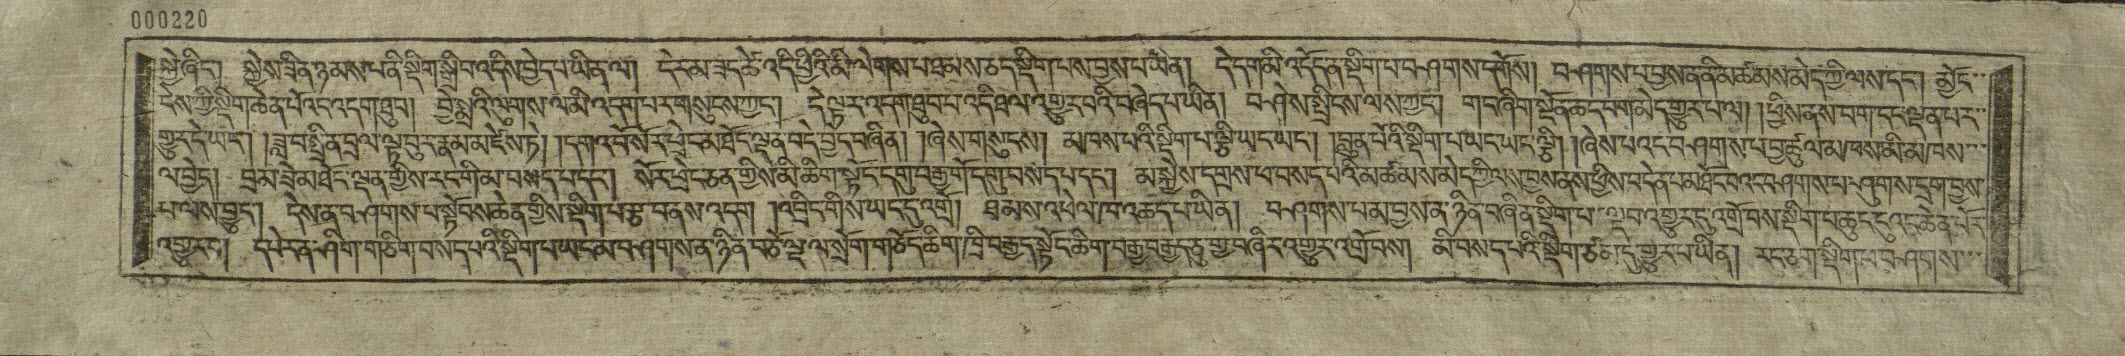སྐྱེ་ཞིང་། སྐྱེས་ཟིན་ཉམས་པ་ནི་སྡིག་སྒྲིབ་འདིས་བྱེད་པ་ཡིན་ལ། དེར་མ་ཟད་ཚེ་འདི་ཕྱིའི་མི་ལེགས་པ་ཐམས་ཅད་སྡིག་པས་བྱས་པ་ཡིན། དེ་དག་མི་འདོད་ན་སྡིག་པ་བཤགས་དགོས། བཤགས་པ་བྱས་ན་ནི་མཚམས་མེད་ཀྱི་ལས་དང་། མྱོང་
ངེས་ཀྱི་སྡིག་ཆེན་པོའང་འདག་ཐུབ། བྱེ་སྨྲའི་ལུགས་ལ་མི་འདག་པར་གསུངས་ཀྱང་། དེ་ལྟར་འདག་ཐུབ་པ་འདི་ཐལ་འགྱུར་བའི་བཞེད་པ་ཡིན། བཤེས་སྤྲིངས་ལས་ཀྱང་། གང་ཞིག་སྔོན་ཆད་བག་མེད་གྱུར་པ་ལ། །ཕྱིས་ནས་བག་དང་ལྡན་པར་
གྱུར་དེ་ཡང་། །ཟླ་བ་སྤྲིན་བྲལ་ལྟ་བུར་རྣམ་མཛེས་ཏེ། །དགའ་བོ་སོར་ཕྲེང་མཐོང་ལྡན་བདེ་བྱེད་བཞིན། །ཞེས་གསུངས། མཁས་པའི་སྡིག་པ་ལྕི་ཡང་ཡང་། །བླུན་པོའི་སྡིག་པ་ཡང་ཡང་ལྕི། །ཞེས་པའང་བཤགས་པ་བྱ་ཚུལ་མཁས་མི་མཁས་
ལ་བྱེད། བྲམ་ཟེ་བདེ་བྱེད་ཀྱིས་རང་གི་མ་བསད་པ་དང་། སོར་ཕྲེང་ཅན་གྱིས་མི་ཆིག་སྟོང་དགུ་བརྒྱ་གོ་དགུ་བསད་པ་དང་། མ་སྐྱེས་དགྲས་ཕ་བསད་པའི་མཚམས་མེད་ཀྱི་ལས་བྱས་ནས་ཕྱིས་བདེན་པ་མཐོང་བའང་བཤགས་པ་ཤུགས་དྲག་བྱས་
པ་ལས་བྱུང་། དེས་ན་བཤགས་པ་སྟོབས་ཆེན་གྱིས་སྡིག་པ་རྩ་བ་ནས་འདག །འབྲིང་གིས་ཡང་དུ་འགྲོ། ཐམས་འཕེལ་ཁ་འཆད་པ་ཡིན། བཤགས་པ་མ་བྱས་ན་ཉིན་བཞིན་སྡིག་པ་ལྡབ་འགྱུར་དུ་འགྲོ་བས་སྡིག་པ་ཆུང་དུའང་ཆེན་པོར་
འགྱུར་བ། དཔེར་ན་ཤིག་གཅིག་བསད་པའི་སྡིག་པ་ཡང་མ་བཤགས་ན་ཉིན་བཅོ་ལྔ་ལ་སྲོག་གཅོད་ཆིག་ཁྲི་དྲུག་སྟོང་སུམ་བརྒྱ་བརྒྱད་ཅུ་གྱ་བཞིར་འགྱུར་འགྲོ་བས། མི་བསད་པའི་སྡིག་ཙམ་དུ་གྱུར་པ་ཡིན། རང་ཅག་སྡིག་པ་བཤགས་